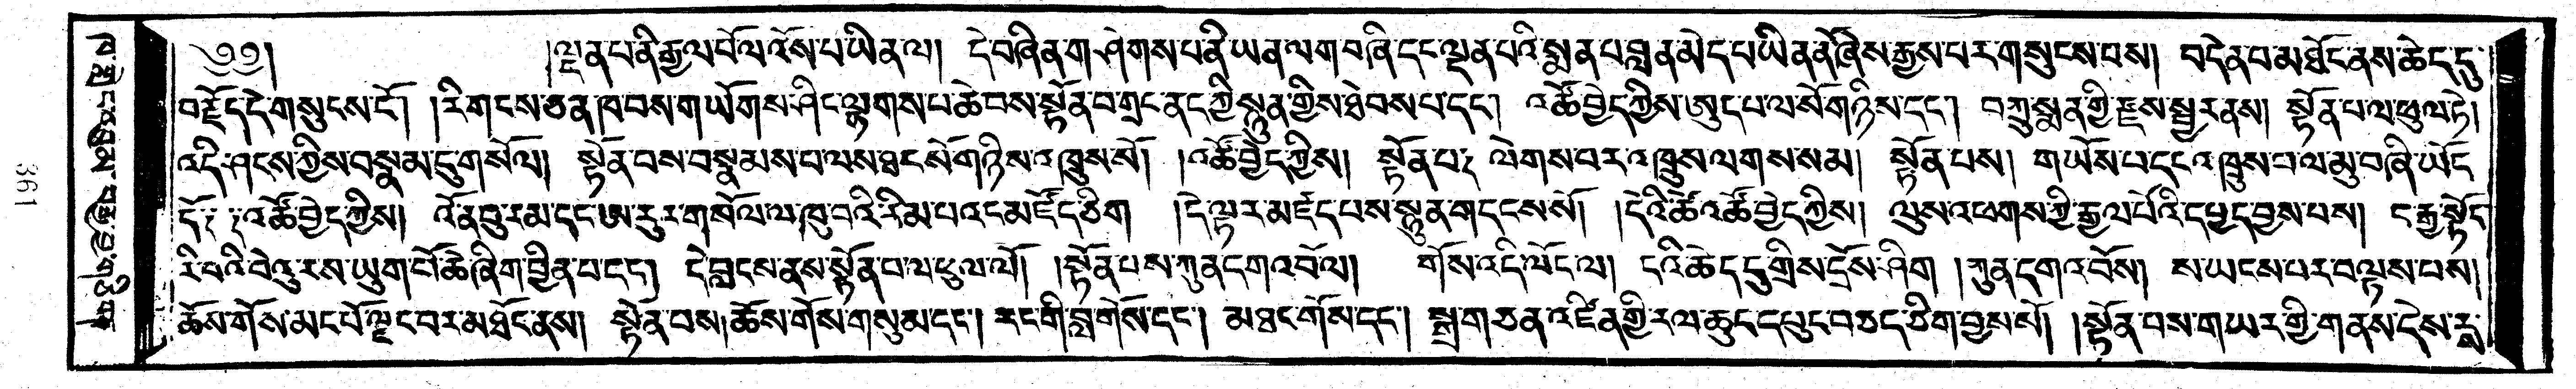༄༅། །ལྡན་པ་ནི་རྒྱལ་པོ་ལ་འོས་པ་ཡིན་ལ། དེ་བཞིན་གཤེགས་པ་ནི་ཡན་ལག་བཞི་དང་ལྡན་པའི་སྨན་པ་བླ་ན་མེད་པ་ཡིན་ནོ་ཞེས་རྒྱས་པར་གསུངས་པས། བདེན་པ་མཐོང་ནས་ཆེད་དུ་
བརྗོད་དེ་གསུངས་ངོ། །རི་གངས་ཅན་ཁ་བས་གཡོགས་ཤིང་ལྷགས་པ་ཆེ་བས་སྟོན་པ་གྲང་ནང་ཀྱི་སྙུན་གྱིས་ཐེབས་པ་དང་། འཚོ་བྱེད་ཀྱིས་ཨུད་པ་ལ་སོ་གཉིས་དང་། བཀྲུ་སྨན་གྱི་རྫས་སྦྱར་ནས། སྟོན་པ་ལ་ཕུལ་ཏེ།
འདི་ཤངས་ཀྱིས་བསྣམ་དུ་གསོལ། སྟོན་པས་བསྣམས་པ་ལས་ཐང་སོ་གཉིས་འཁྲུས་སོ། །འཚོ་བྱེད་ཀྱིས། སྟོན་པ༑ ལེགས་པར་འཁྲུས་ལགས་སམ། སྟོན་པས། གཡོས་པ་དང་འཁྲུས་པ་ལ་མུ་བཞི་ཡོང་
དོ༑ ༑འཚོ་བྱེད་ཀྱིས། འོ་ན་བུ་རམ་དང་ཨ་རུར་གསོལ་ལ་ཁུ་བའི་རིམ་པའང་མཛོད་ཅིག །དེ་ལྟར་མཛད་པས་སྙུན་གདངས་སོ། །དེའི་ཚེ་འཚོ་བྱེད་ཀྱིས། ལུས་འཕགས་ཀྱི་རྒྱལ་པོའི་དཔྱད་བྱས་པས། ང་རྒྱ་སྟོང་
རི་བའི་བེའུ་ར་ས་ཡུག་པོ་ཆེ་ཞིག་བྱིན་པ་ངང་། དེ་བླངས་ནས་སྟོན་པ་ལ་ཕུལ་ལོ། །སྟོན་པས་ཀུན་དགའ་བོ་ལ། གོས་འདི་ལོང་ལ། ངའི་ཆེད་དུ་གྲིས་དྲོས་ཤིག །ཀུན་དགའ་བོས། ས་ཡངས་པར་བལྟས་པས།
ཆོས་གོས་མང་པོ་ལྗང་བར་མཐོང་ནས། སྟོན་པས། ཆོས་གོས་གསུམ་དང་། རང་གི་བླ་གོས་དང་། མཐང་གོས་དང་། སྒྲ་གཅན་འཛིན་གྱི་རལ་ཆུང་དཔུང་བཅད་ཅིག་བྱས་སོ། །སྟོན་པས་གཡར་གྱི་གནས་དེས་རས་